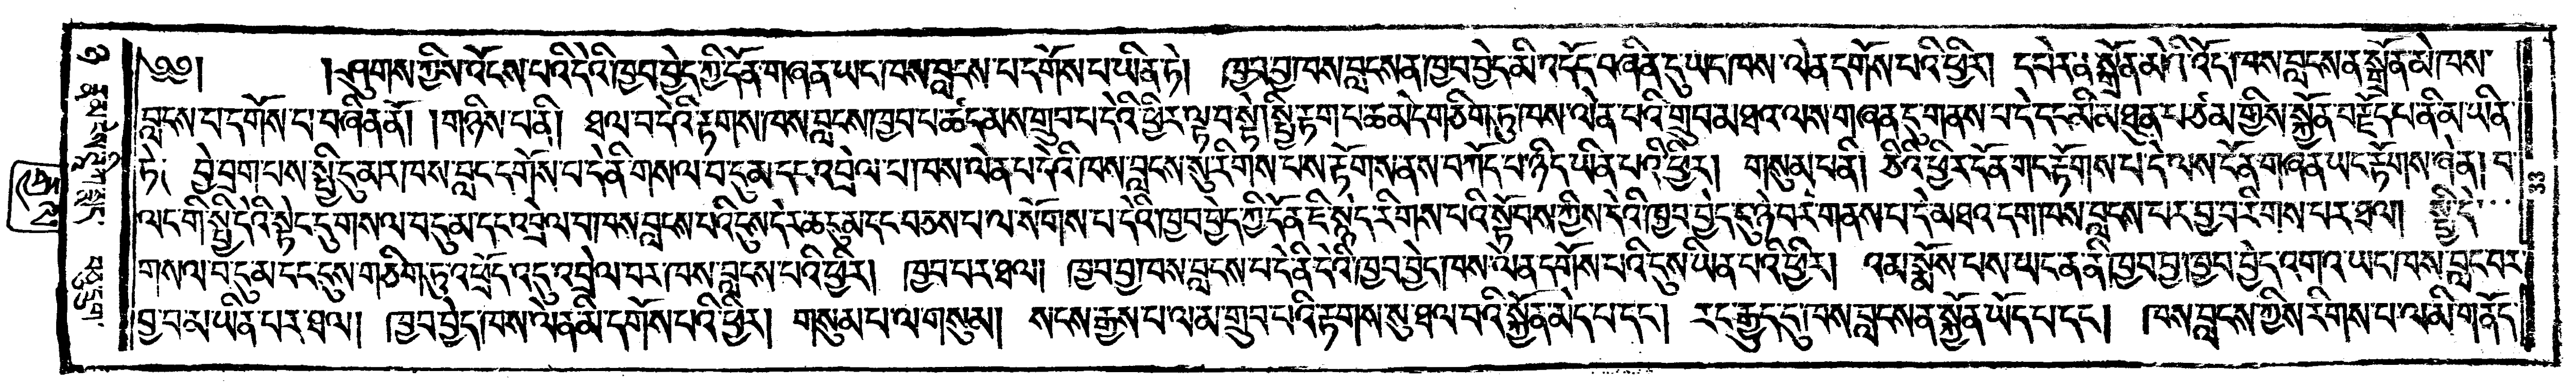༄༅། །ཤུགས་ཀྱིས་འོངས་པའི་དེའི་ཁྱབ་ཀྱི་དོན་གཞན་ཡང་ཁས་བླངས་པ་དགོས་པ་ཡིན་ཏེ། ཁྱབ་བྱ་ཁས་བླངས་ན་ཁྱབ་བྱེད་མི་འདོད་བཞིན་དུ་ཡང་ཁས་ལེན་དགོས་པའི་ཕྱིར། དཔེར་ན་སྒྲོན་མེའི་འོད་ཁས་བླངས་ན་སྒྲོན་མེ་ཁས་
བླངས་པ་དགོས་པ་བཞིན་ནོ། །གཉིས་པ་ནི། ཐལ་བ་དེའི་རྟགས་ཁས་བླངས་ཁྱབ་པ་ཚད་མས་གྲུབ་པ་དེའི་ཕྱིར་ལྟ་བ་སྟེ། སྤྱི་རྟག་པ་ཆ་མེད་གཅིག་ཏུ་ཁས་ལེན་པའི་གྲུབ་མཐའ་ལས་གཞན་དུ་གནས་པ་དེ་དང་མི་མཐུན་པ་ཙམ་གྱིས་སྐྱོན་བརྗོད་པ་ནི་མ་ཡིན་
ཏེ༑ བྱེ་བྲག་པས་སྤྱི་དུ་མར་ཁས་བླང་དགོས་པ་དེ་ནི་གསལ་བ་དུ་མ་དང་འབྲེལ་བ་ཁས་ལེན་པ་དེའི་ཁས་བླངས་སུ་རིགས་པས་རྟོགས་ནས་བཀོད་པ་ཉིད་ཡིན་པའི་ཕྱིར། གསུམ་པ་ནི། ཅིའི་ཕྱིར་དོན་གང་རྟོགས་པ་དེ་ལས་དོན་གཞན་ཡང་རྟོགས་ཞེ་ན། བ་
ལང་གི་སྤྱི་དེའི་སྟེང་དུ་གསལ་བ་དུ་མ་དང་འབྲེལ་བ་ཁས་བླངས་པའི་དུས་དེར་ཆ་དུ་མ་དང་བཅས་པ་ལ་སོགས་པ་དེའི་ཁྱབ་བྱེད་ཀྱི་དོན་ཇི་སྙེད་རིགས་པའི་སྟོབས་ཀྱིས་དེའི་ཁྱབ་བྱེད་དུ་ཉེ་བར་གནས་པ་དེ་མཐའ་དག་ཁས་བླངས་པར་བྱ་བ་རིགས་པར་ཐལ། སྤྱི་དེ་
གསལ་བ་དུ་མ་དང་དུས་གཅིག་ཏུ་འཕྲོད་འདུ་འབྲེལ་བར་ཁས་བླངས་པའི་ཕྱིར། ཁྱབ་པར་ཐལ། ཁྱབ་བྱ་ཁས་བླངས་པ་དེ་ནི་དེའི་ཁྱབ་བྱེད་ཁས་ལེན་དགོས་པའི་དུས་ཡིན་པའི་ཕྱིར། འམ་སྨོས་པས་ཡང་ན་ནི་ཁྱབ་བྱ་ཁྱབ་བྱེད་འགའ་ཡང་ཁས་བླང་བར་
བྱ་བ་མ་ཡིན་པར་ཐལ། ཁྱབ་བྱེད་ཁས་ལེན་མི་དགོས་པའི་ཕྱིར། གསུམ་པ་ལ་གསུམ། སངས་རྒྱས་པ་ལ་མ་གྲུབ་པའི་རྟགས་སུ་ཐལ་བའི་སྐྱོན་མེད་པ་དང་། རང་རྒྱུད་དུ་ཁས་བླངས་ན་སྐྱོན་ཡོད་པ་དང་། ཁས་བླངས་ཀྱིས་རིགས་པ་ལ་མི་གནོད་